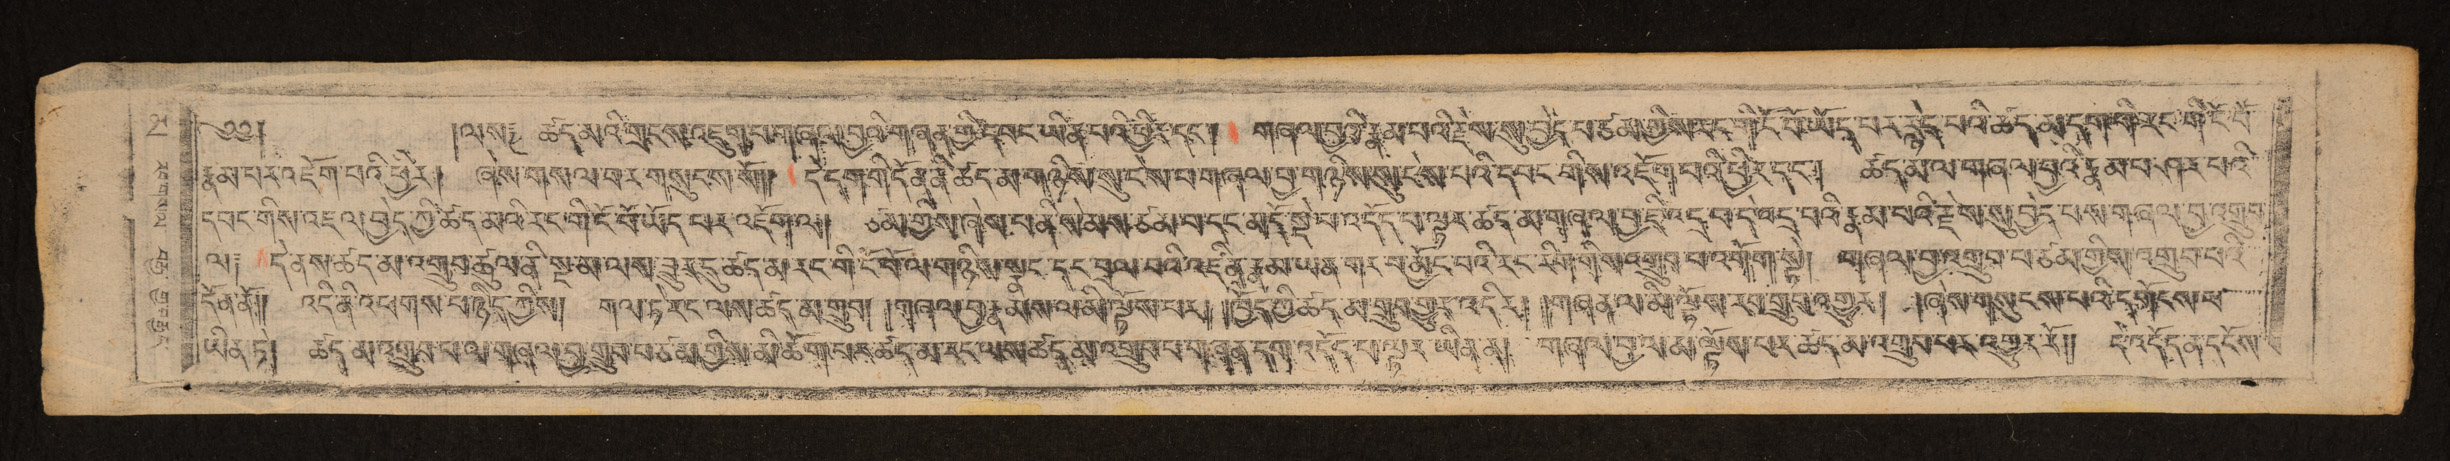༄༅། །ལས༑ ཚད་མའི་གྲངས་འཇུག་པ་གཞལ་བྱའི་གཞན་གྱི་དབང་ཡིན་པའི་ཕྱིར་དང་། གཞལ་བྱའི་རྣམ་པའི་རྗེ་སུ་བྱེད་པ་ཙམ་གྱིས་རང་གི་ངོ་བོ་ཡོད་པར་རྙེད་པའི་ཚད་མ་དག་གི་རང་གི་ངོ་བོ་
རྣམ་པར་འཇོག་པའི་ཕྱིར། ཞེས་གསལ་བར་གསུངས་སོ།། དེ་དག་གི་དོན་ནི་ཚད་མ་གཉིས་སུ་ངེས་པ་གཞལ་བྱ་གཉིས་སུ་ངེས་པའི་དབང་གིས་འཇོག་པའི་ཕྱིར་དང་། ཚད་མ་ལ་གཞལ་བྱའི་རྣམ་པ་ཤར་བའི་
དབང་གིས་འཇལ་བྱེད་ཀྱི་ཚད་མའི་རང་གི་ངོ་བོ་ཡོད་པར་འཇོག་ལ། ཙམ་གྱིས་ཞེས་པ་ནི་སེམས་ཙམ་པ་དང་མདོ་སྡེ་པ་འདོད་པ་ལྟར་ཚད་མ་གཞལ་བྱ་ཇི་འདྲ་བ་དེ་འདྲ་བའི་རྣམ་པའི་རྗེ་སུ་བྱེད་པས་གཞལ་བྱ་འགྲུབ་
ལ༑ དེ་ནས་ཚད་མ་འགྲུབ་ཚུལ་ནི་སྔ་མ་ལས་ཟུར་དུ་ཚད་མ་རང་གི་ངོ་བོ་ལ་གཉིས་སྣང་དང་བྲལ་བའི་འཛིན་རྣམ་ཡན་གར་བ་མྱོང་བའི་རང་རིག་གིས་འགྲུབ་པ་འགོག་སྟེ། གཞལ་བྱ་འགྲུབ་པ་ཙམ་གྱིས་འགྲུབ་པའི་
དོན་ནོ།། འདི་ནི་འཕགས་པ་ཉིད་ཀྱིས། གལ་ཏེ་རང་ལས་ཚད་མ་གྲུབ། །གཞལ་བྱ་རྣམས་ལ་མི་ལྟོས་པར། །ཁྱོད་ཀྱི་ཚད་མ་གྲུབ་གྱུར་འདིར། །གཞན་ལ་མི་ལྟོས་རབ་གྲུབ་འགྱུར། །ཞེས་གསུངས་པའི་དགོངས་པ་
ཡིན་ཏེ། ཚད་མ་འགྲུབ་པ་ལ་གཞལ་བྱ་གྲུབ་པ་ཙམ་གྱིས་མི་ཆོག་པར་ཚད་མ་རང་ལས་ཚད་མ་འགྲུབ་པ་གཞན་དག་འདོད་པ་ལྟར་ཡིན་ན། གཞལ་བྱ་ལ་མ་ལྟོས་པར་ཚད་མ་འགྲུབ་པར་འགྱུར་རོ།། དེ་འདོད་ན་དངོས་